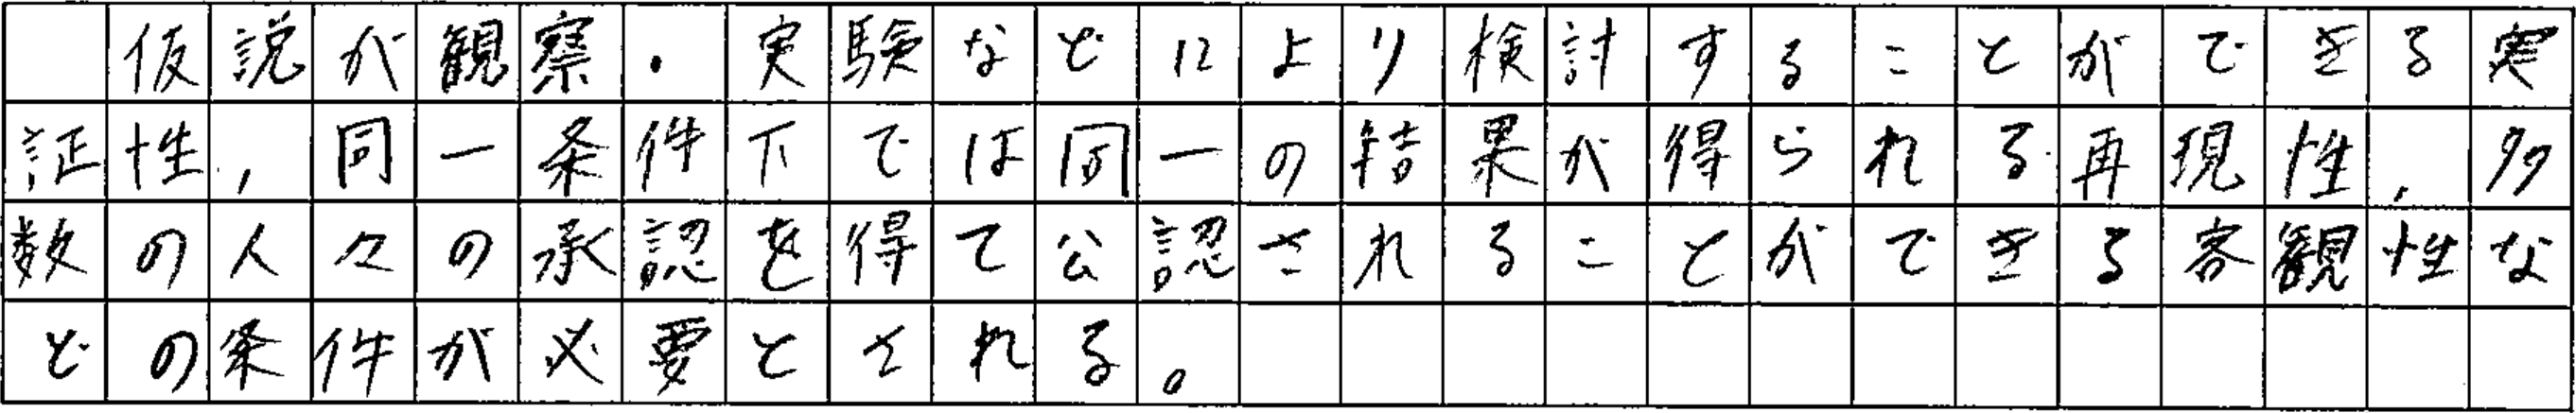　仮説が観察・実験などにより検討することができる実証性、同一条件下では同一の結果が得られる再現性、多数の人々の承認を得て公認されることができる客観性などの条件が必要とされる。
